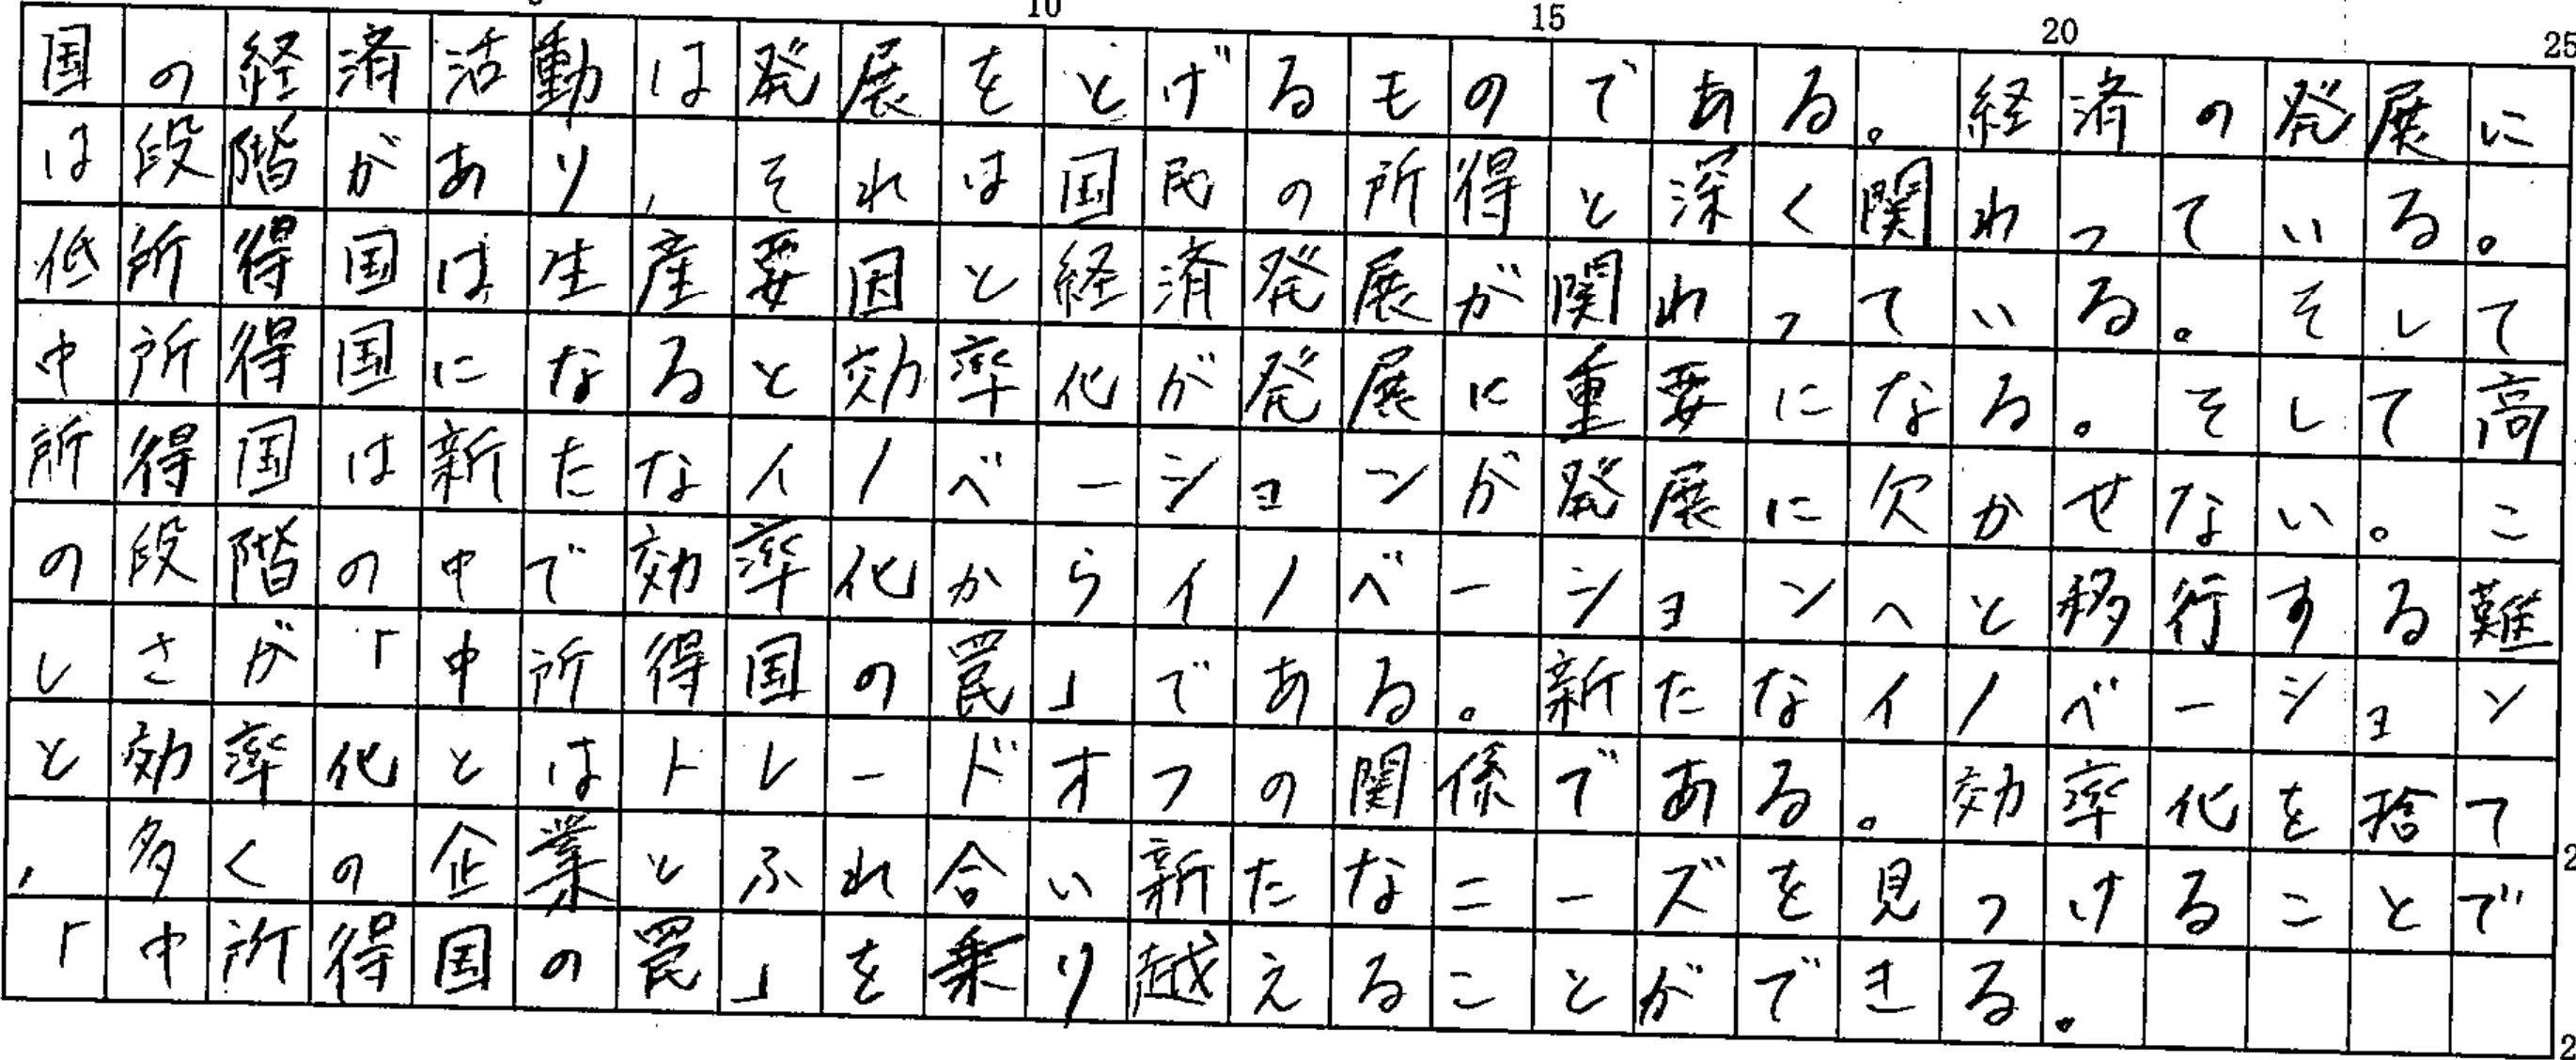国の経済活動は発展をとげるものである。経済の発展には段階があり，それは国民の所得と深く関わっている。低所得国は生産要因と経済発展が関わっている。そして中所得国になると効率化が発展に重要になる。そして高所得国は新たなイノベーションが発展に欠かせない。この段階の中で効率化からイノベーションへと移行する難しさが「中所得国の罠」である。新たなイノベーションと効率化とはトレードオフの関係である。効率化を捨て，多くの企業とふれ合い新たなニーズを見つけることで「中所得国の罠」を乗り越えることができる。
